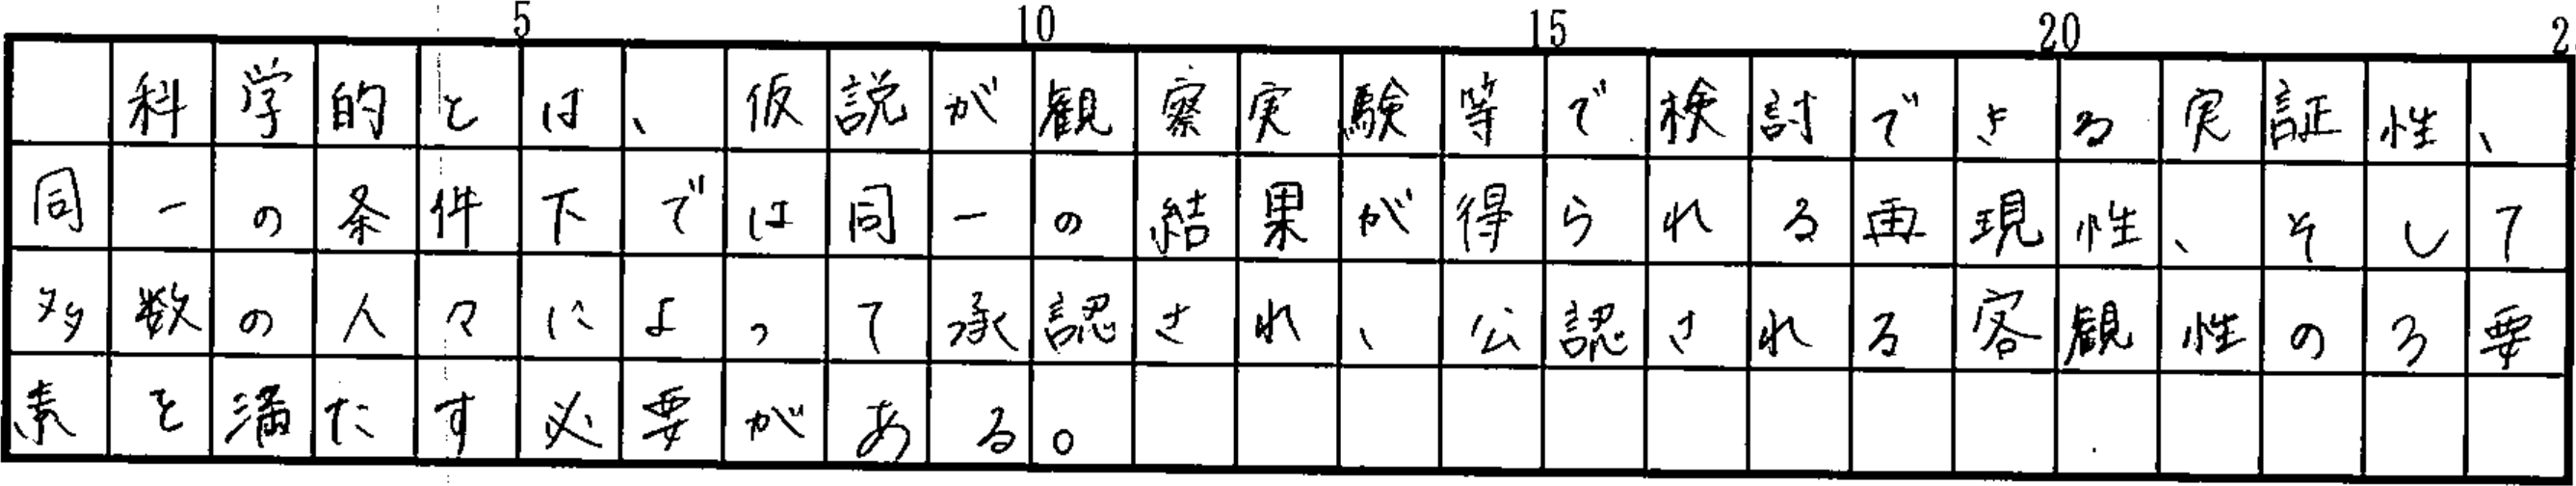　科学的とは、仮説が観察実験等で検討できる実証性、同一の条件下では同一の結果が得られる再現性、そして多数の人々によって承認され、公認される客観性の３要素を満たす必要がある。
